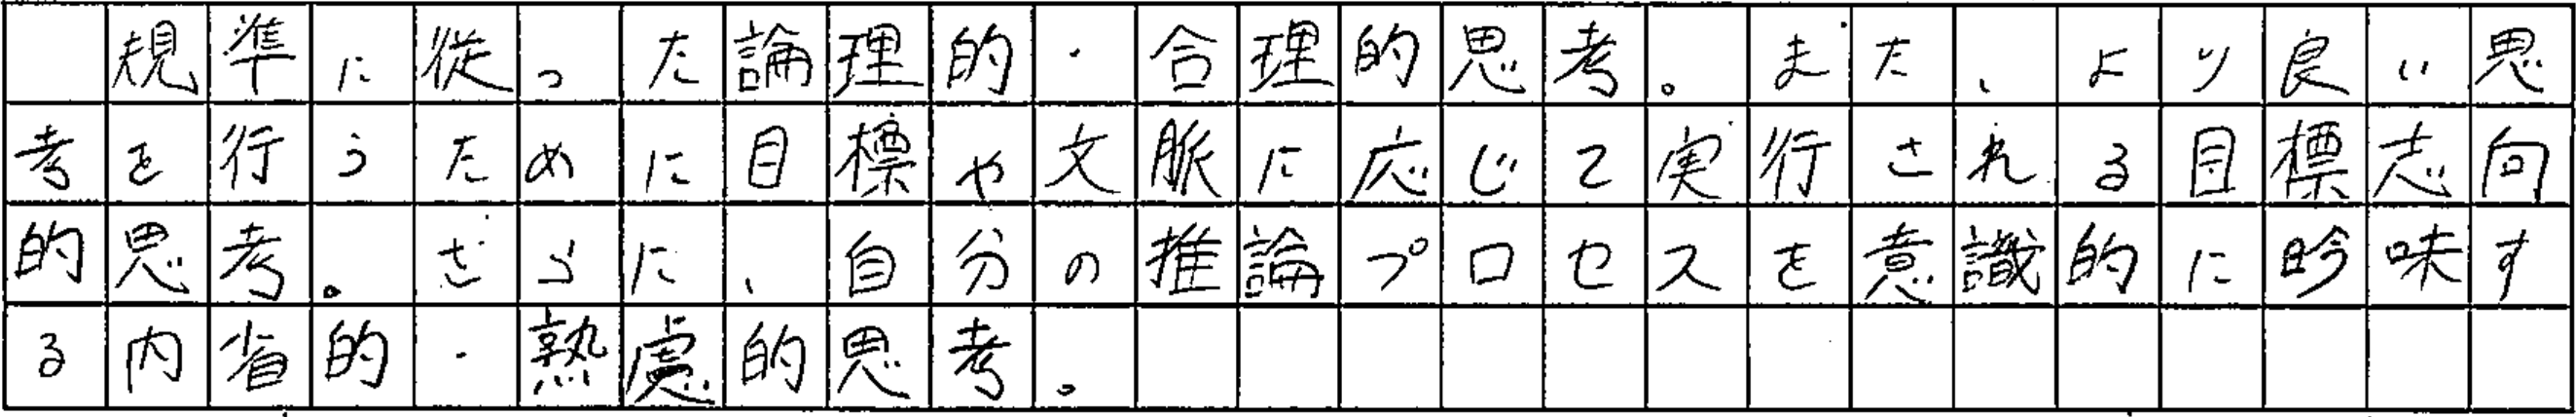　規準に従った論理的・合理的思考。また、より良い思考を行うために目標や文脈に応じて実行される目標志向的思考。さらに、自分の推論プロセスを意識的に▁味する内省的・熟慮的思考。
